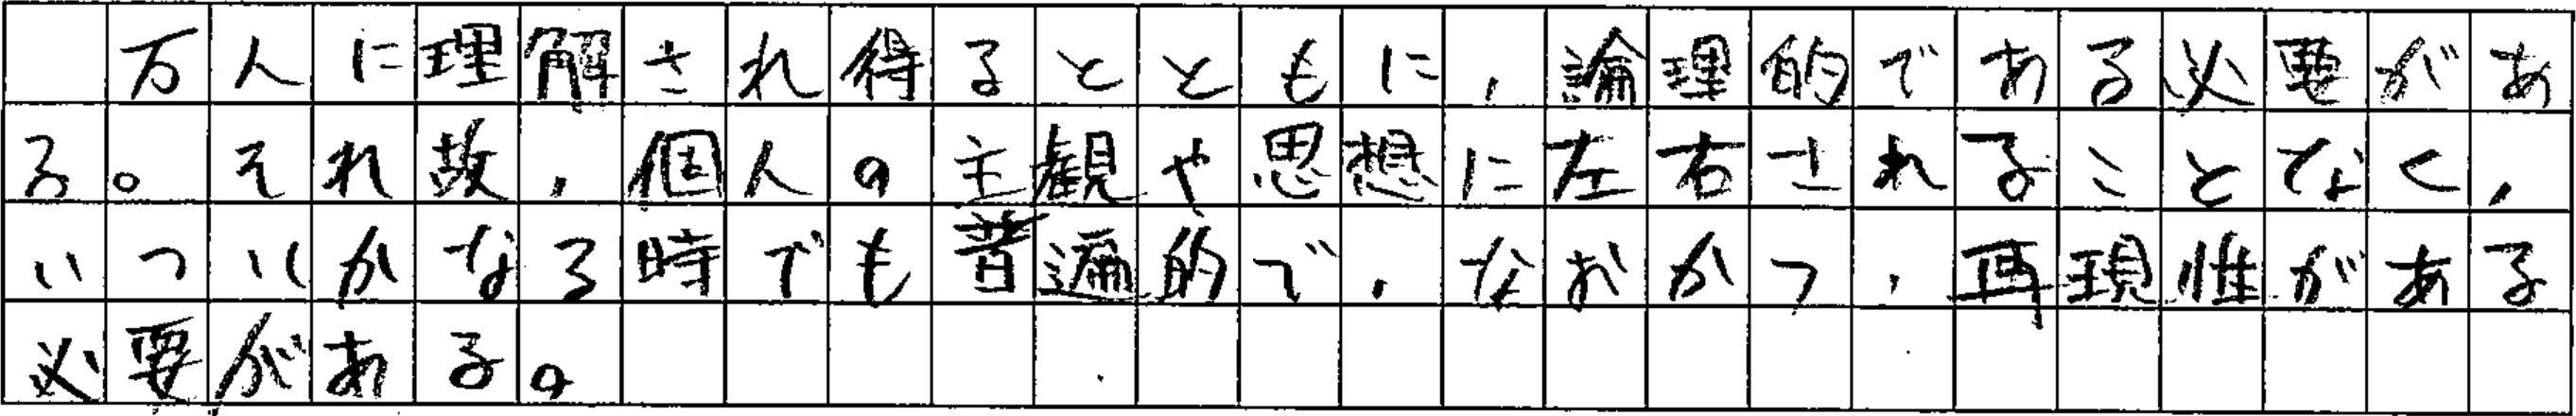　万人に理解され得るとともに、論理的である必要がある。それ故、個人の主観や思想に左右されることなく、いついかなる時でも普遍的で、なおかつ、再現性がある必要がある。
